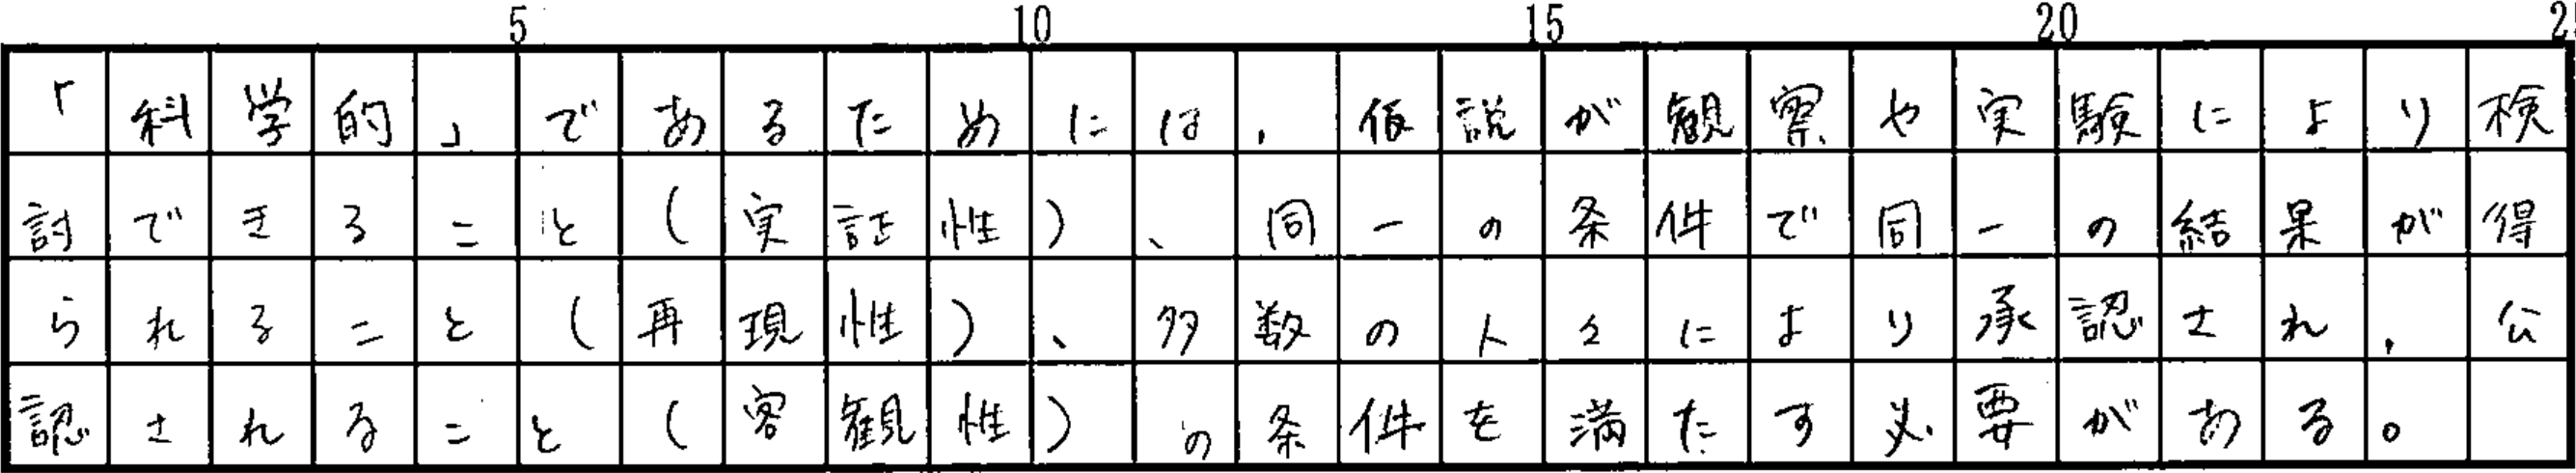「科学的」であるためには、仮説が観察や実験により検討できること（実証性）、同一の条件で同一の結果が得られること（再現性）、多数の人々により承認され、公認されること（客観性）の条件を満たす必要がある。
